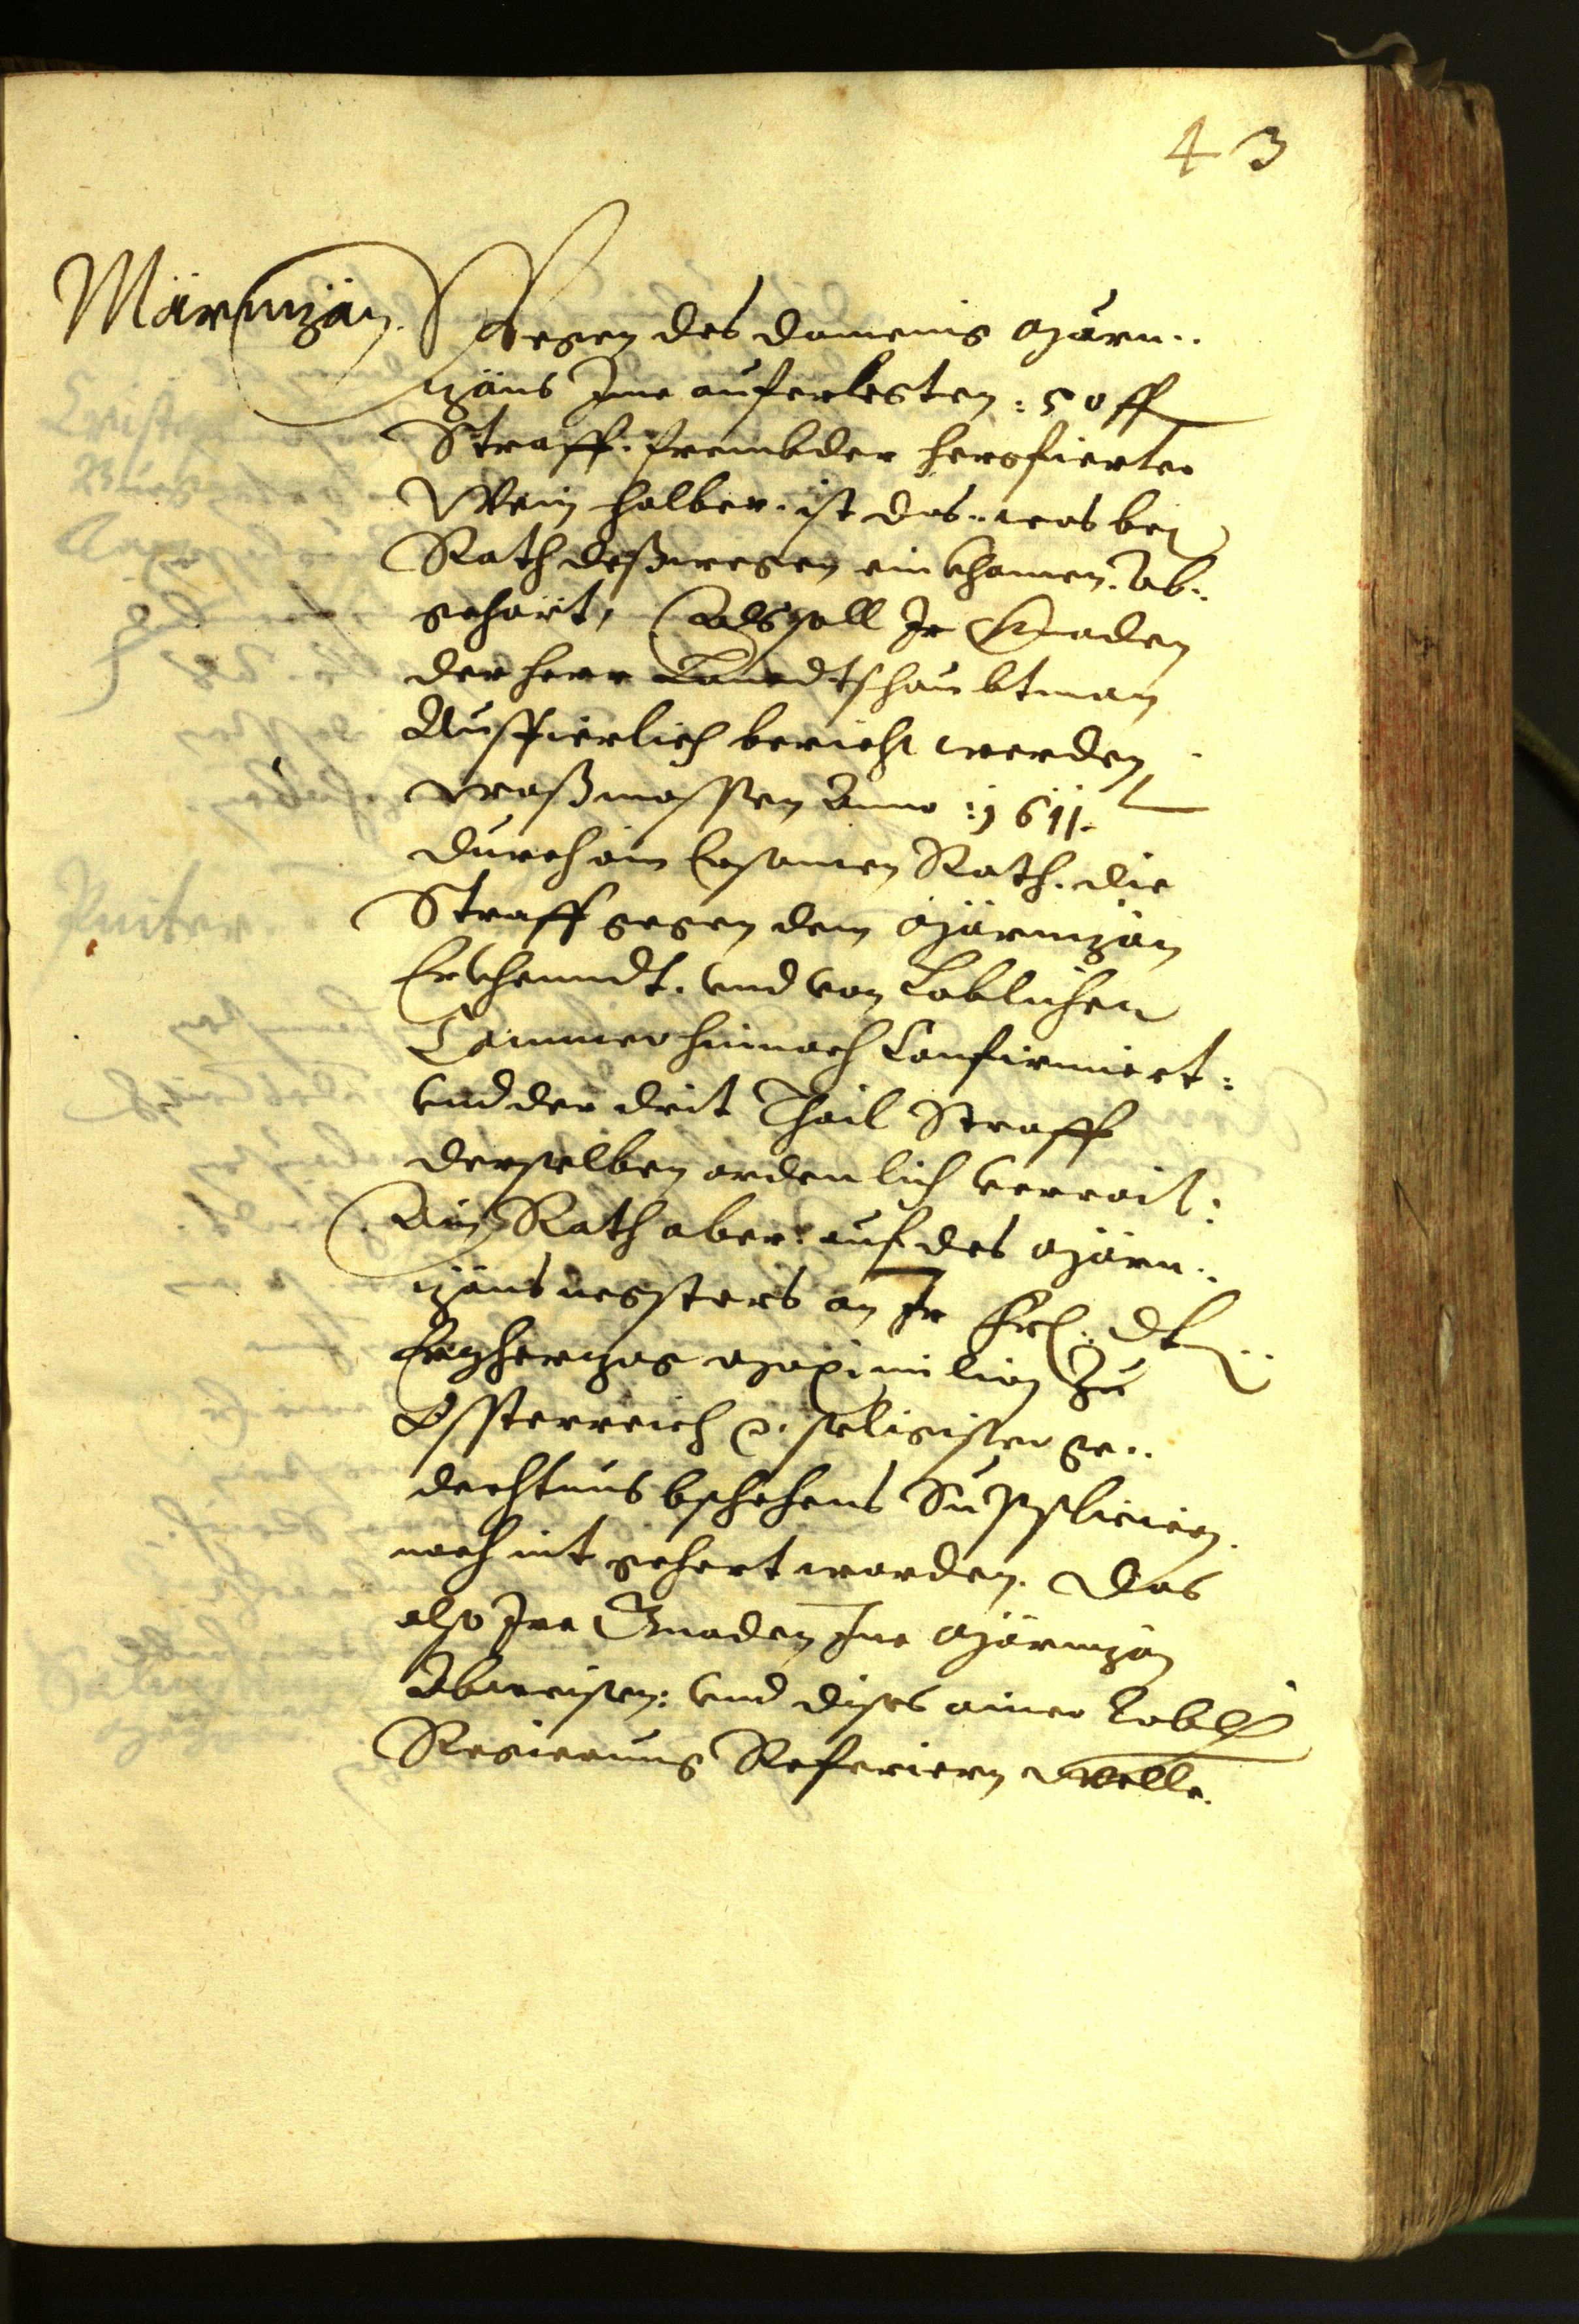43
Wegen des domenig Märn¬
zäns Ime aūferlegten: 50 fl
Straff. frembder hergfierter
Wein halber. ist das: was bei
Rath deßwegen ein khomen. Ab¬
gehört, Als soll Ir Gnaden
der herr Lanndtshaūbtman
Aūsfierlich bericht werden.
Waßmassen Anno: 1611. t
dūrch ain Ersamen Rath. die
Straff gegen dem Märnzän
Erkhenndt. vnd von Loblichen
Cammer hinnach Confirmiert:
vnd der drit Thail Straff
derselben ordenlich verrait.
Ain Rath aber aūf des Märn¬
zäns negsters an Ir Frl: Dl:
Erzherzog Maximilian Zū
Ossterreich etc. seligister ge¬
dachtnūs beschehens Sūpplicieren.
noch nit gehert worden. Das
also Ire Gnaden Ine Märnzän
Abweisen: vnd dises ainer Lobl
Regierūng Referieren welle.
Märnzän.